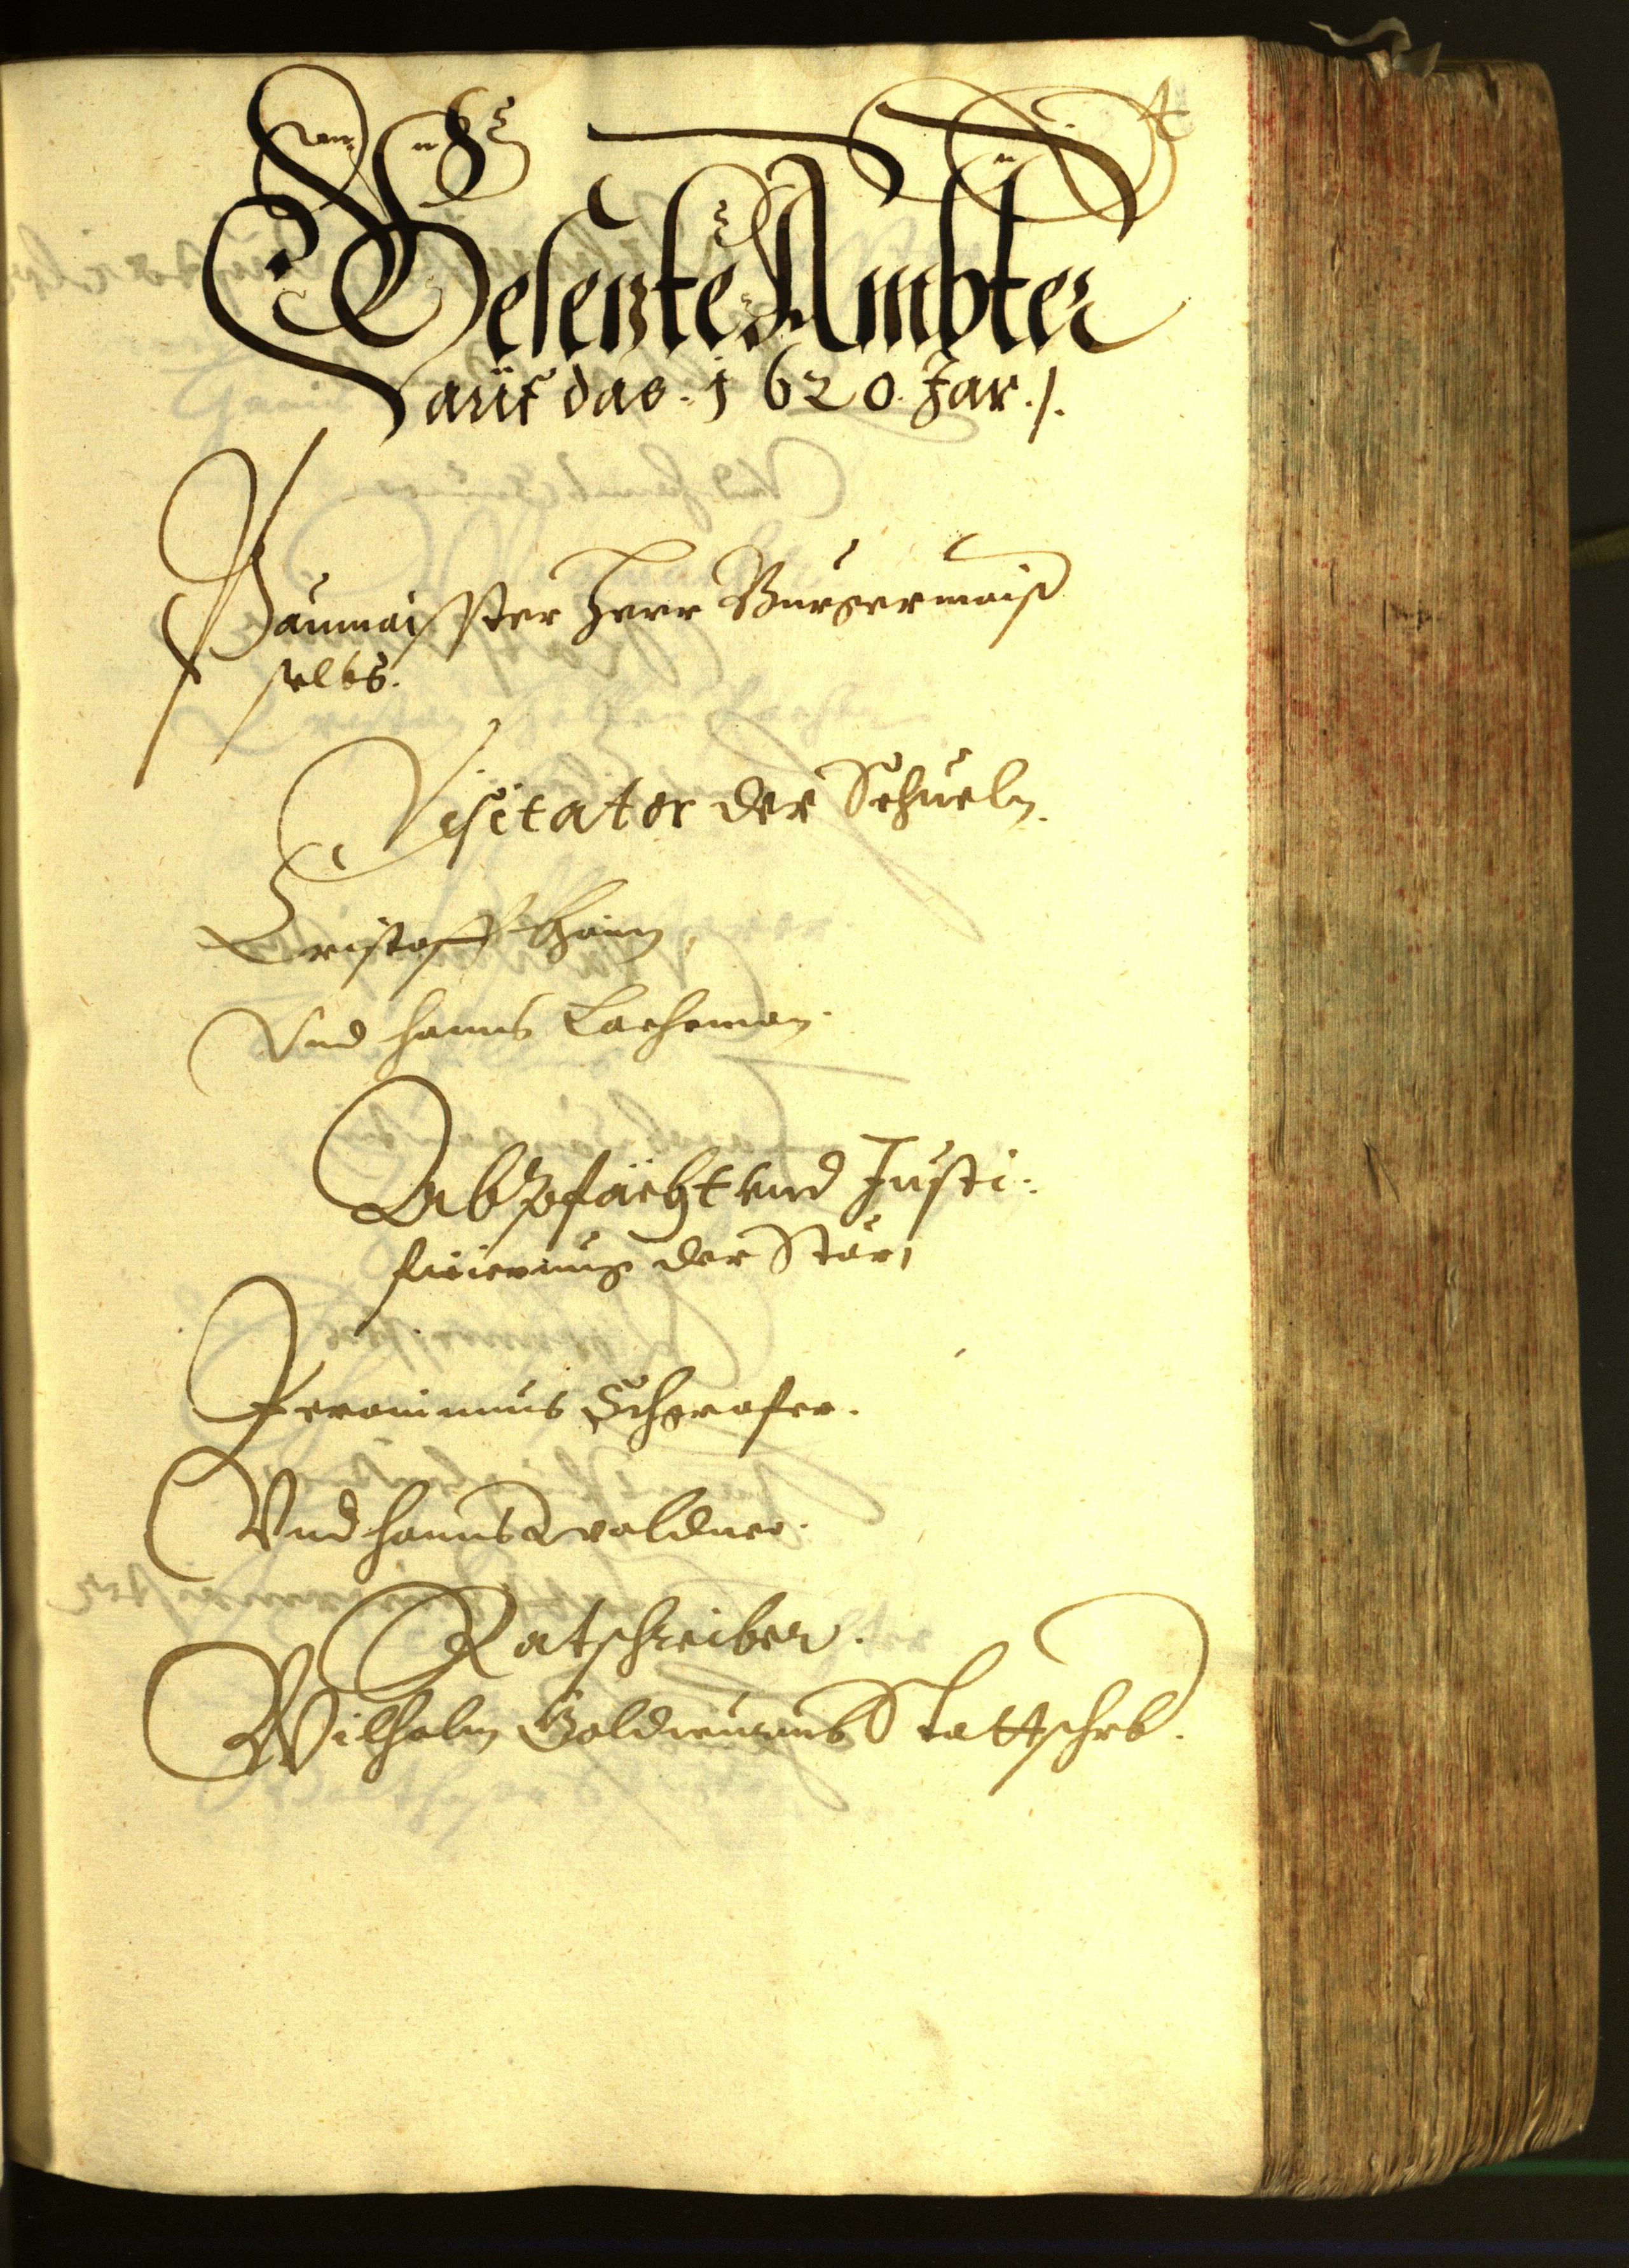Belegte Ambter
aüf das .1620. Jar./.
4
Paūmaister Herr Būrgermaist
selbs.
Visitator der Schūeln.
Cristoff Haim
Vnd hanns Lacheman
AbPfächt vnd Jūsti¬
ficierūng der Stār,
Jeronimūs Schgrafer.
Vnd Hanns Waldner.
Ratschreiber.
Wilhalm Goldwūrmb Stattschrb.